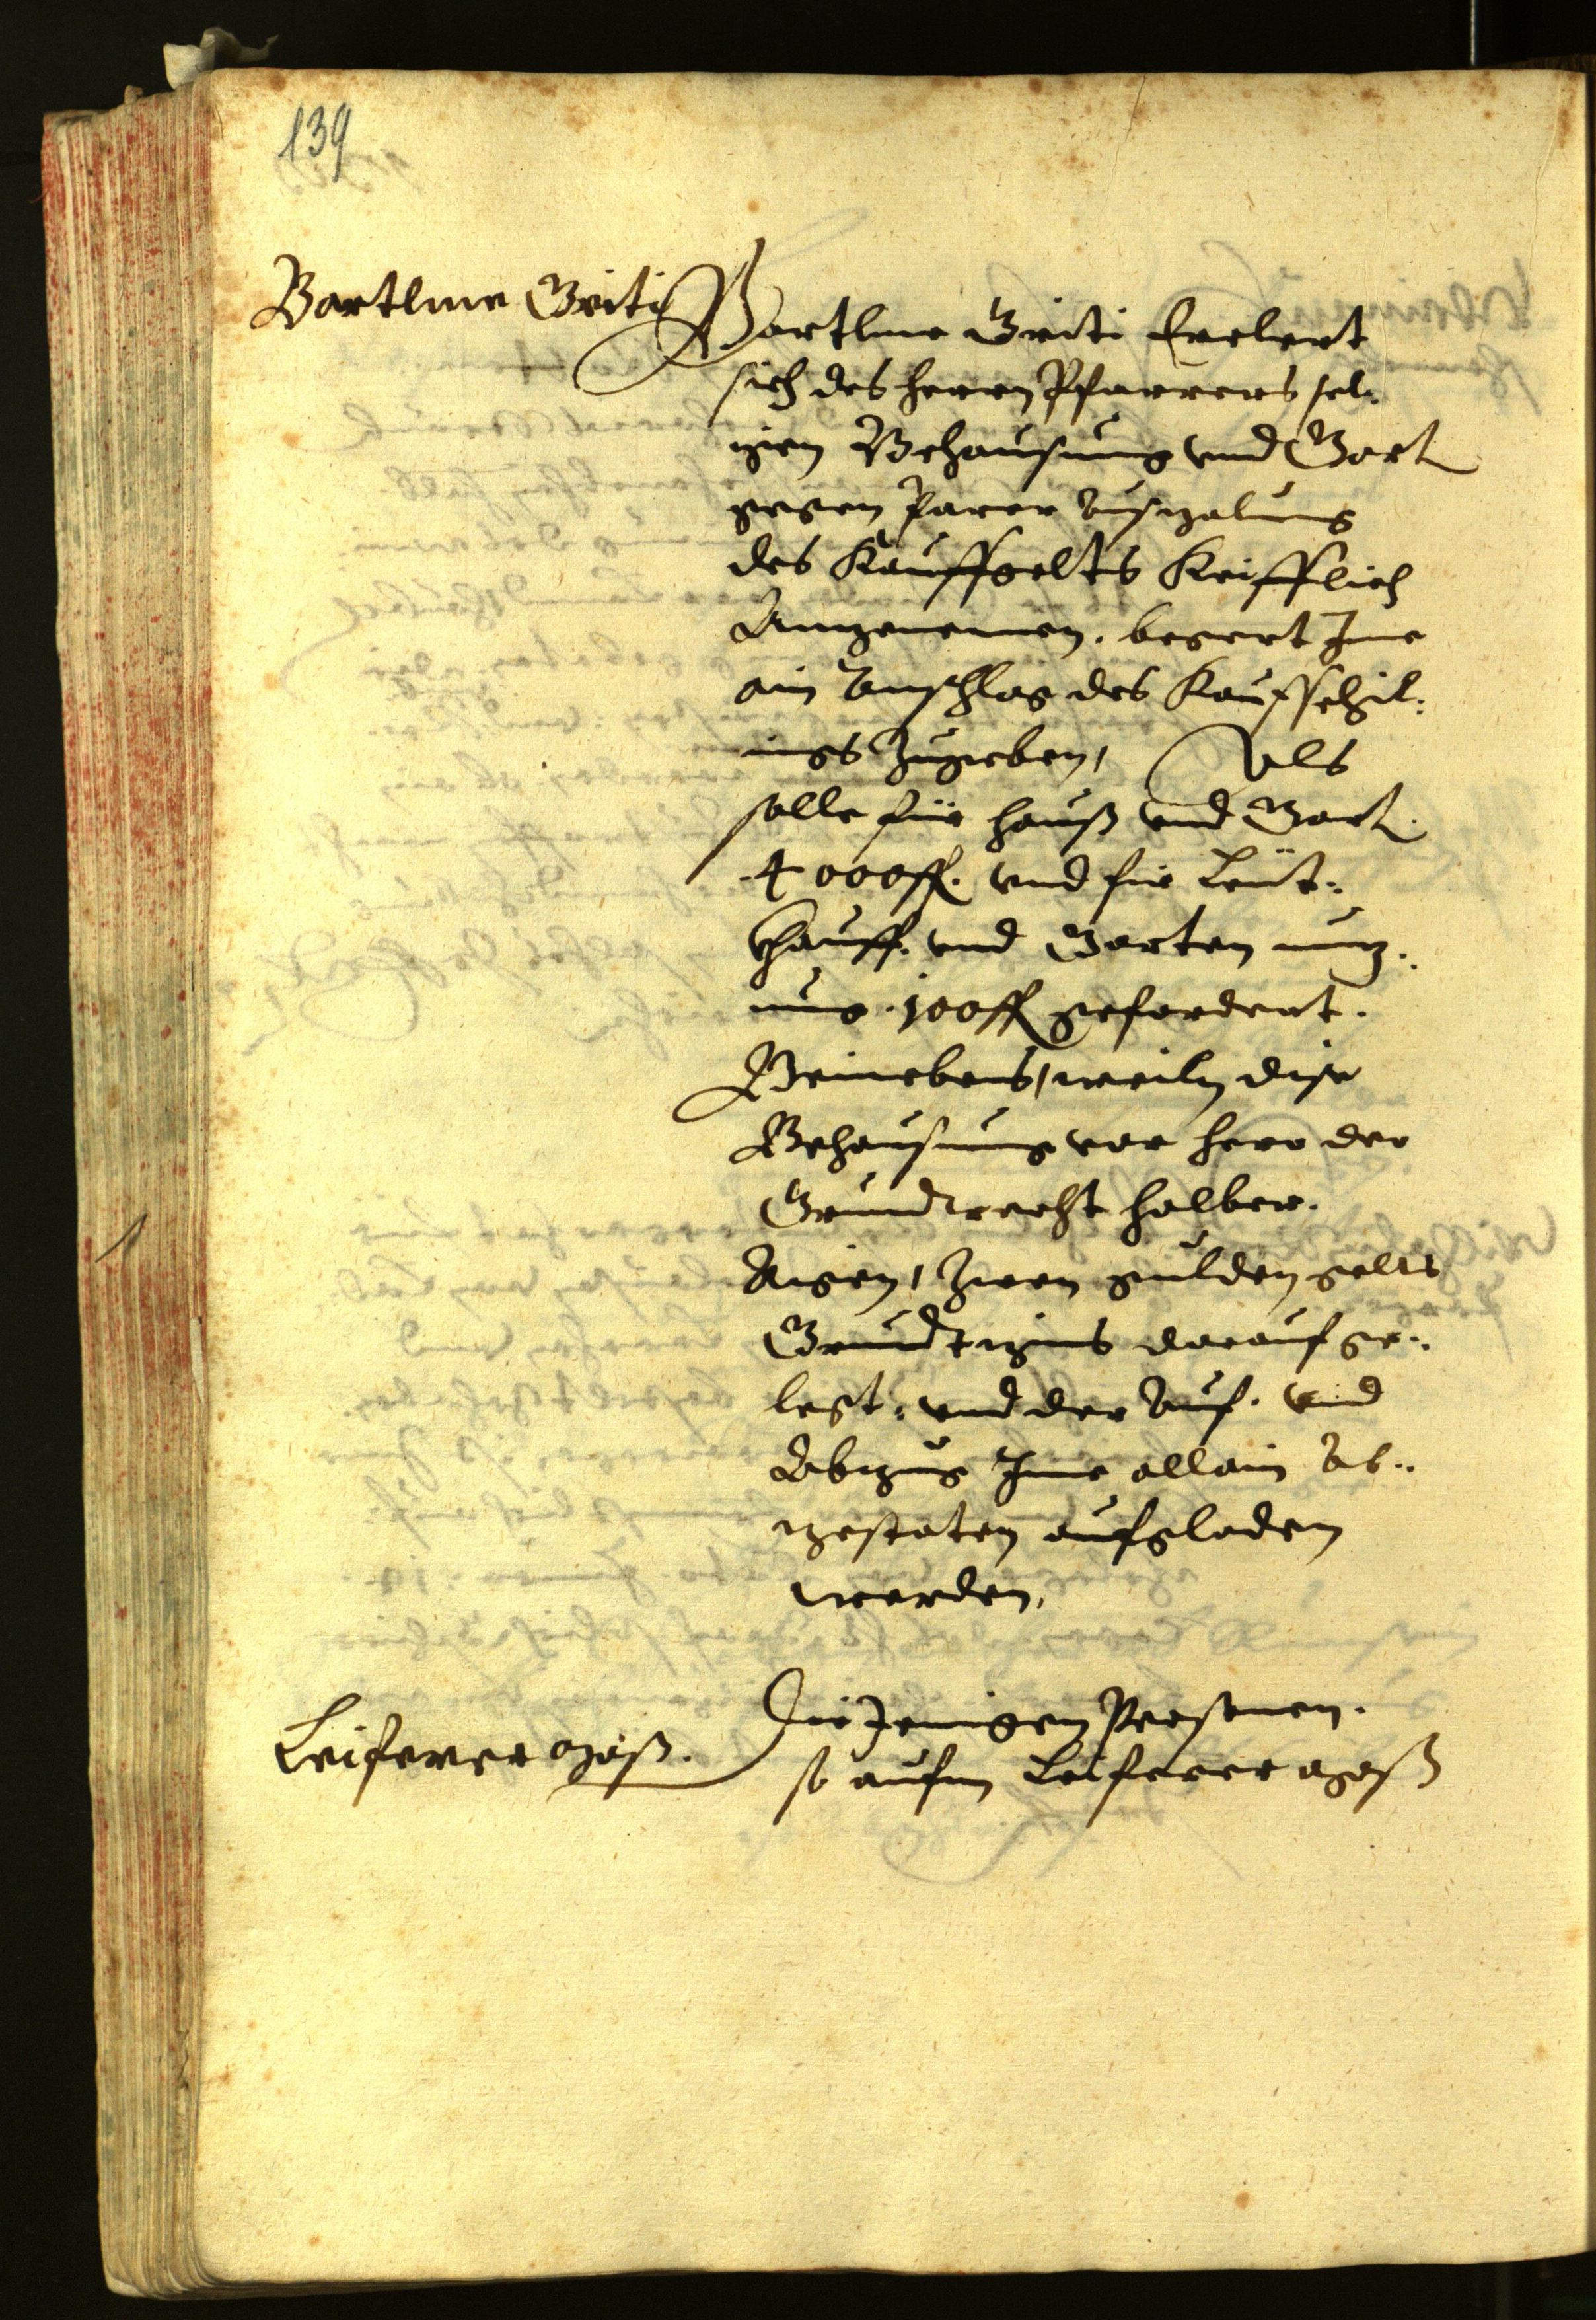139
Bartlme Griti Erclert
sich des herrn Pfarrers sel¬
igen Behaūsūng vnd Gart
gegen Parer Aūszalūng
des Kaūffgelts Keifflich
Anzenemen. begert Ime
ain Anschlag des Kaūfsschil¬
ings Zūgeben, Als
solle für haūß vnd Gart.
.4000 fl. vnd fir Leüt¬
khaūff vnd Garten nūz¬
ūng. 100 fl gefordert.
Beinebens, weiln dise
Behaūsūng vor hero der
Grūndtrecht halber.
Aigen, Zwen gūlden gelts
Grūndtzins daraūf ge¬
legt: vnd der Aūf. vnd
Abzūg Ime allain Ab¬
zestaten aūfgladen
werden.
Bartlme Griti
Die Jenigen Personen.
so aūfm Leiferer Moß
Leiferer Moß.